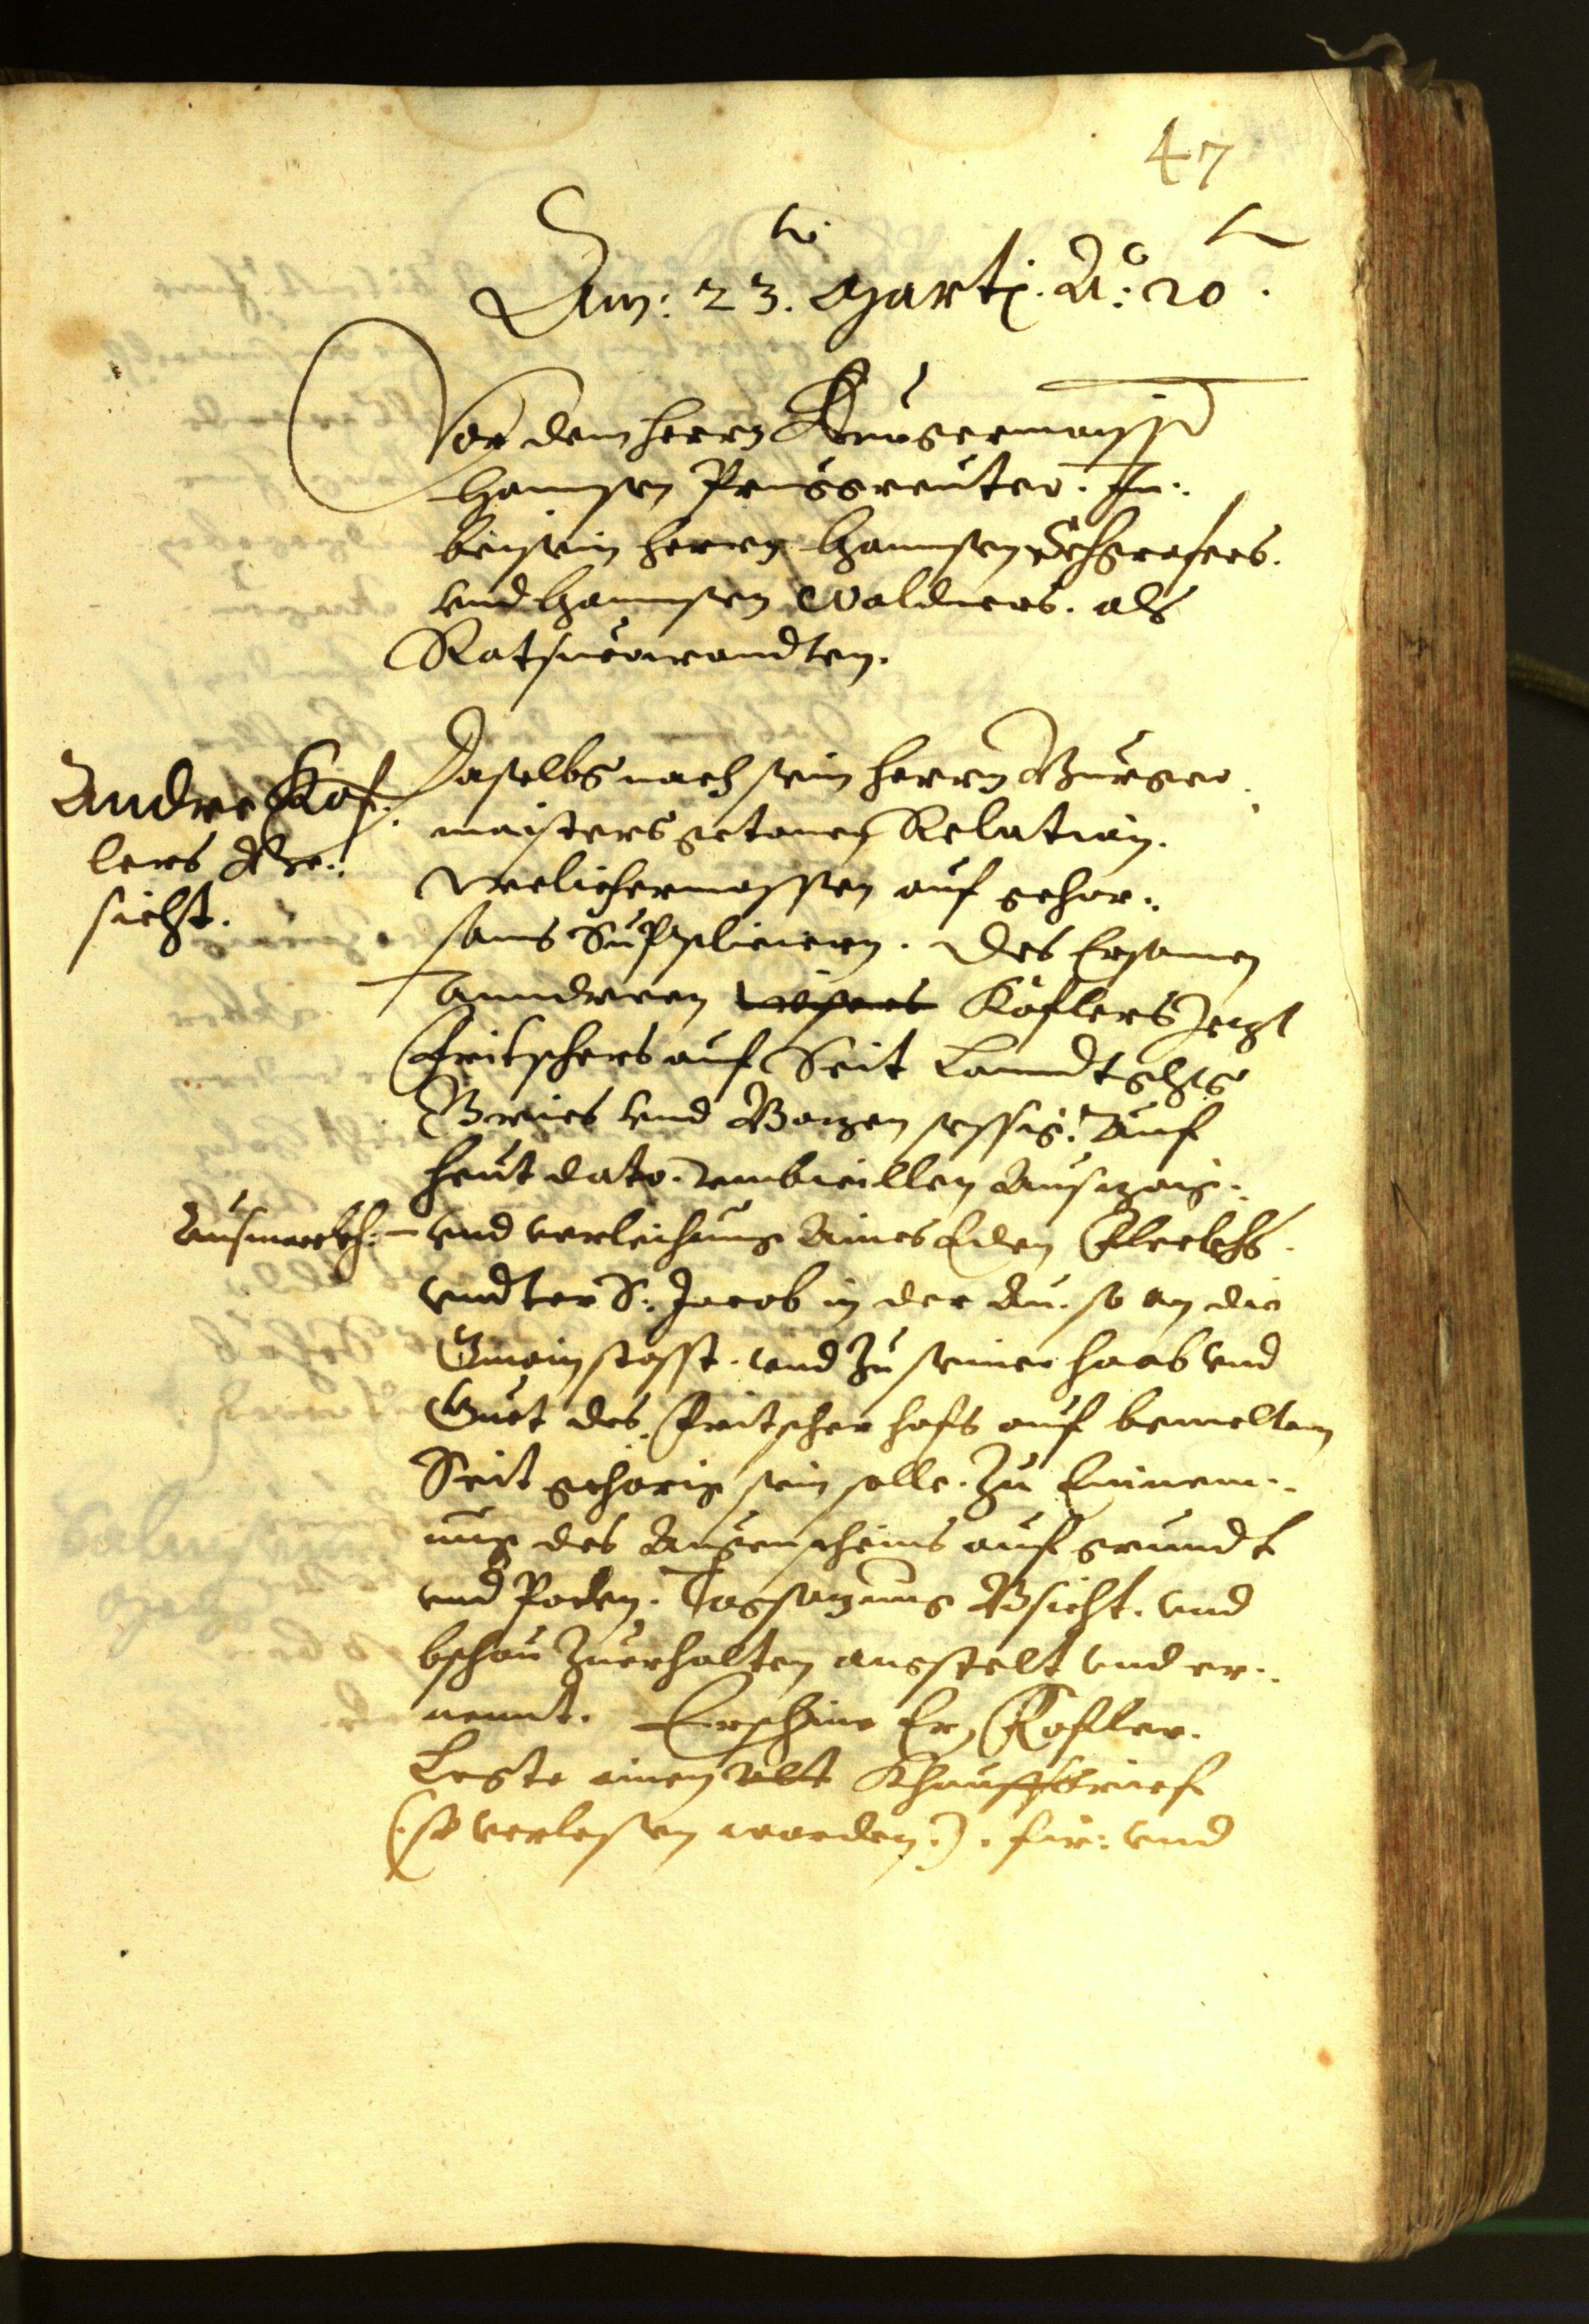47
Am: 23.t. Marti. Ao: 20t.
Vor dem herrn Būrgermaisst
Hannsen Prūggreūter. In¬
beisein herrn Hannsen Schgrafers.
vnd Hannsen Waldners. als
Ratsvērwandten.
Daselbs nach sein herrn Būrger¬
maisters getanen Relation.
Welichermassen aūf gehor¬
sams Sūpplicieren. des Ersamen
Anndreen Wisers Köflers Jetzt
Fritschers aūf Seit Lanndtgerichts
Gries vnd Bozen sessig. Aūf
heūt dato. vmbwillen aūszaig¬
— vnd verleichūng Aines Edlen Fleckhs.
vndter S Jacob in der Aū. so an die
Gmain stosst. vnd Zū seiner haab vnd
Gūet des Fritscher hofs aūf bemeltem
Seit gehörig sein solle. Zū Einnem¬
ūng des Aūgenscheins aūf grūndt
vnd Poden. Tagsatzūng Bsicht. vnd
bschaū Zūerhalten anstelt vnd er¬
nennt. Erscheine Er Kofler.
Legte ainen alt Khaūffbrief
(.so verlesen worden.). fir: vnd
Andre Kof¬
lers Be¬
sicht.
Ausmarckh: